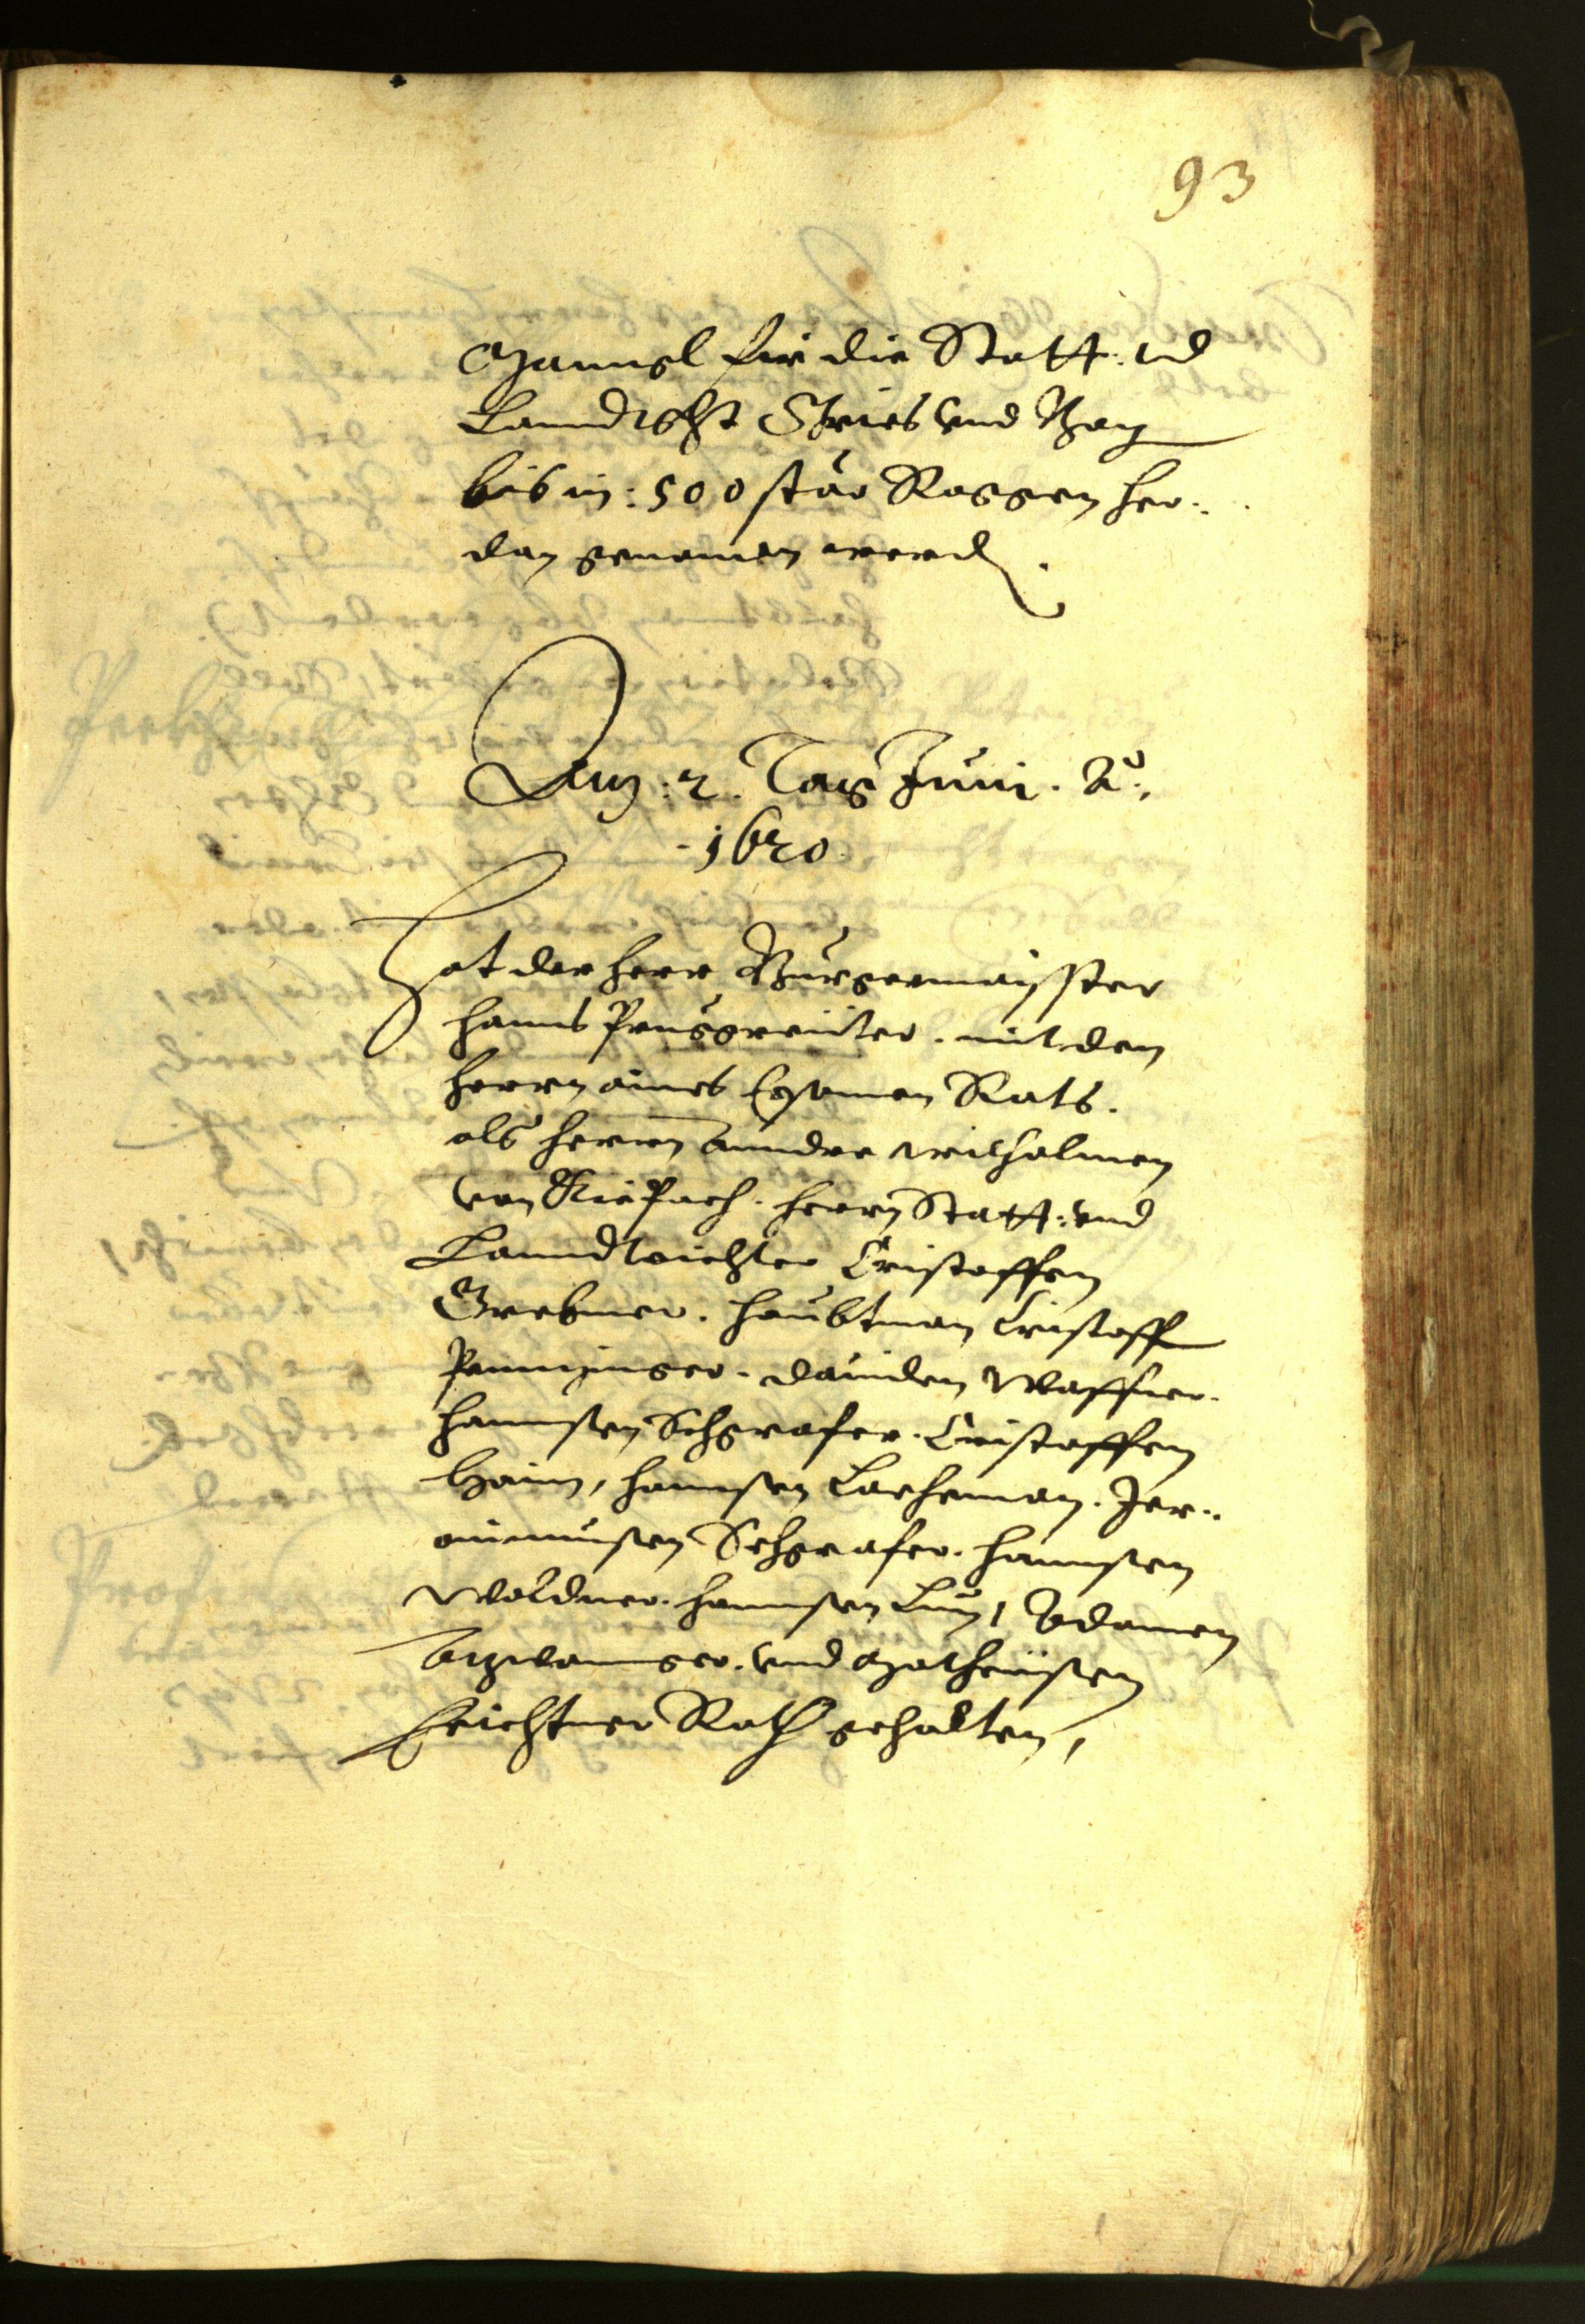93
Manngl fir die Statt: vnd
Lanndtght Gries vnd Bozen
bis in: 500 stār Roggen her¬
dan genomen werd.
Am: 2. Tag Jūni. Ao.
.1620
Hat der herr Būrgermaisster
hanns Prūggreüter. mit den
herrn aines Ersamen Rats.
als herrn Anndre Wilhalmen
von KiePach. herrn Statt: vnd
Lanndtrichter Cristoffen
Grebmer. Haūbtman Cristoff
Pennzinger. Daūiden Waffner.
hannsen Schgrafer. Cristoffen
Haim, hannsen Locheman. Jer¬
onimūsen Schgrafer. hannsen
Waldner. hannsen Lūn, Adamen
Azwannger. vnd Matheüsen
Feichtner Rath gehalten,